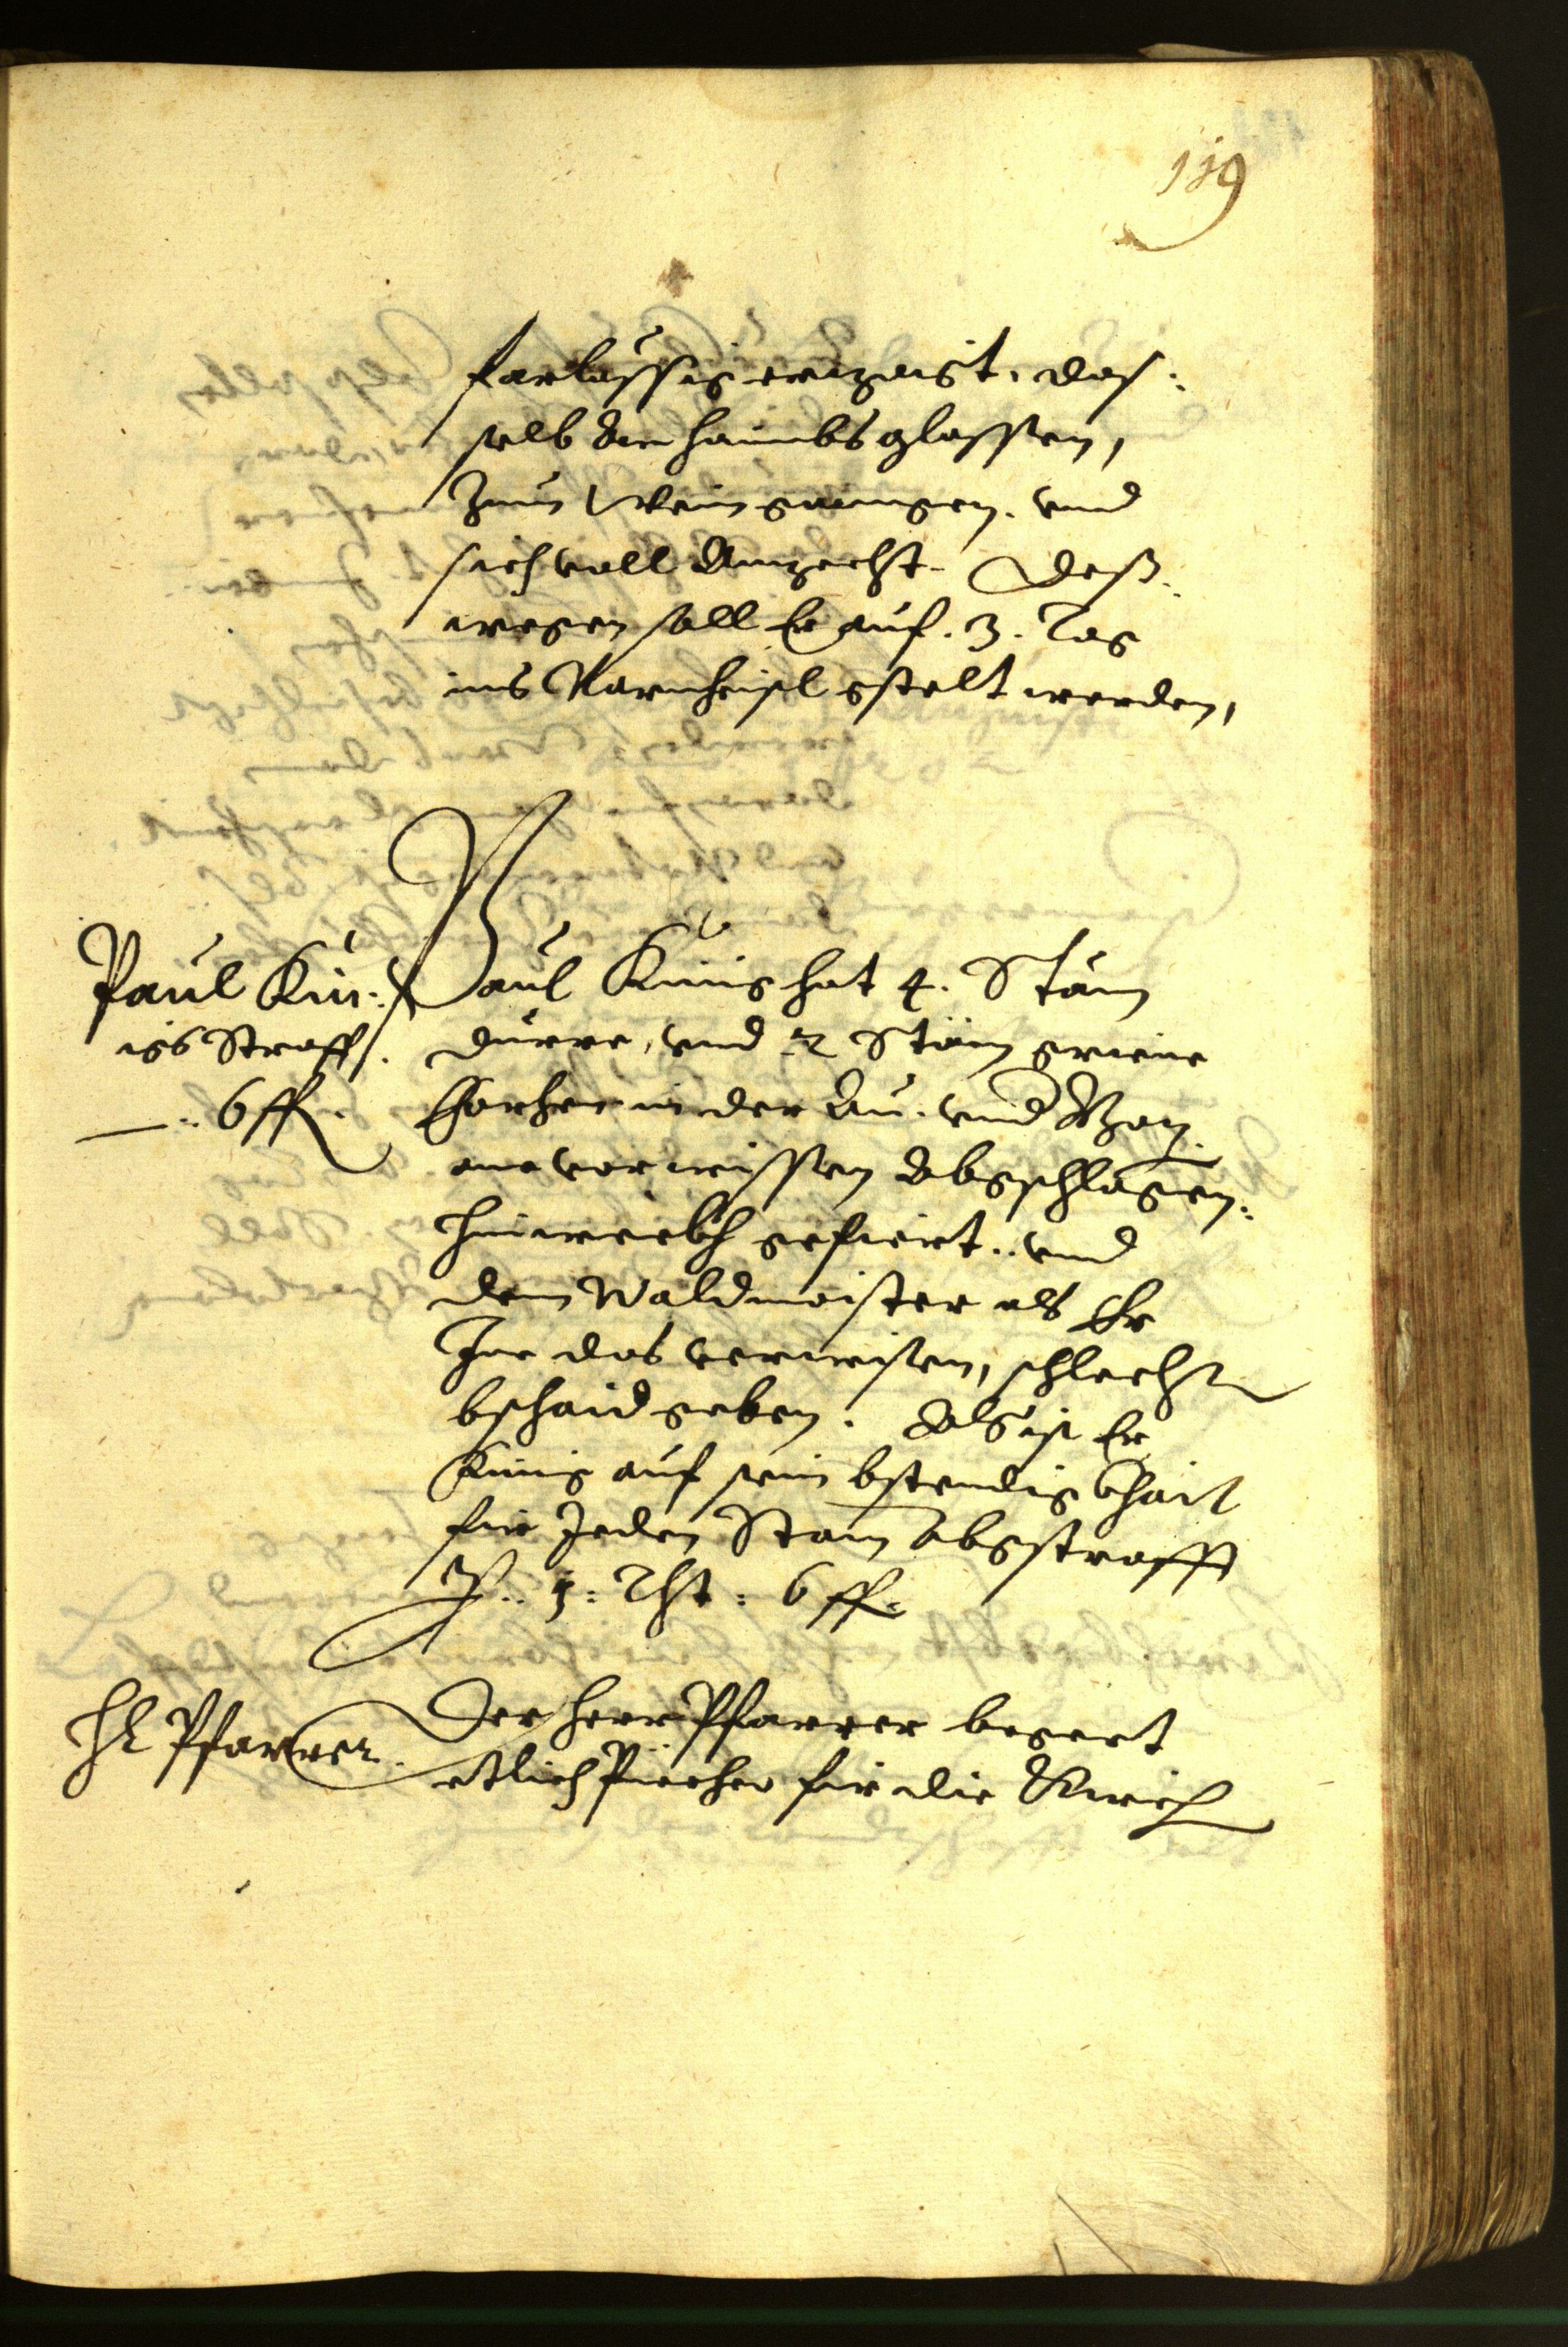119
farlāssig erzaigt. das¬
selb An haimbs glassen,
Zūm Wein ganngen. vnd
sich voll Anzecht. Deß¬
wegen soll Er aūf .3. Tag
ins Narnheisl gstelt werden,
Paūl Kinig hat 4. Stām
dūrre, vnd 2 Stäm griene
Forhre in der Aū. vnd Boz.
one vorwissen Abgschlagen¬
hinweckh gefiert: vnd
dem Waldmaister als Er
Ine das verwisen, schlecht
bschaid geben. Als ist Er
Kinig aūf sein bstendig khait
fir Jeden Stam Abgstrafft
P: 1: Tht: 6 fl.
Der herr Pfarrer begert
etlich Piecher fir die Kirch
Paūl Kin¬
igs Straff.
—: 6 fl.
h Pfarrer.